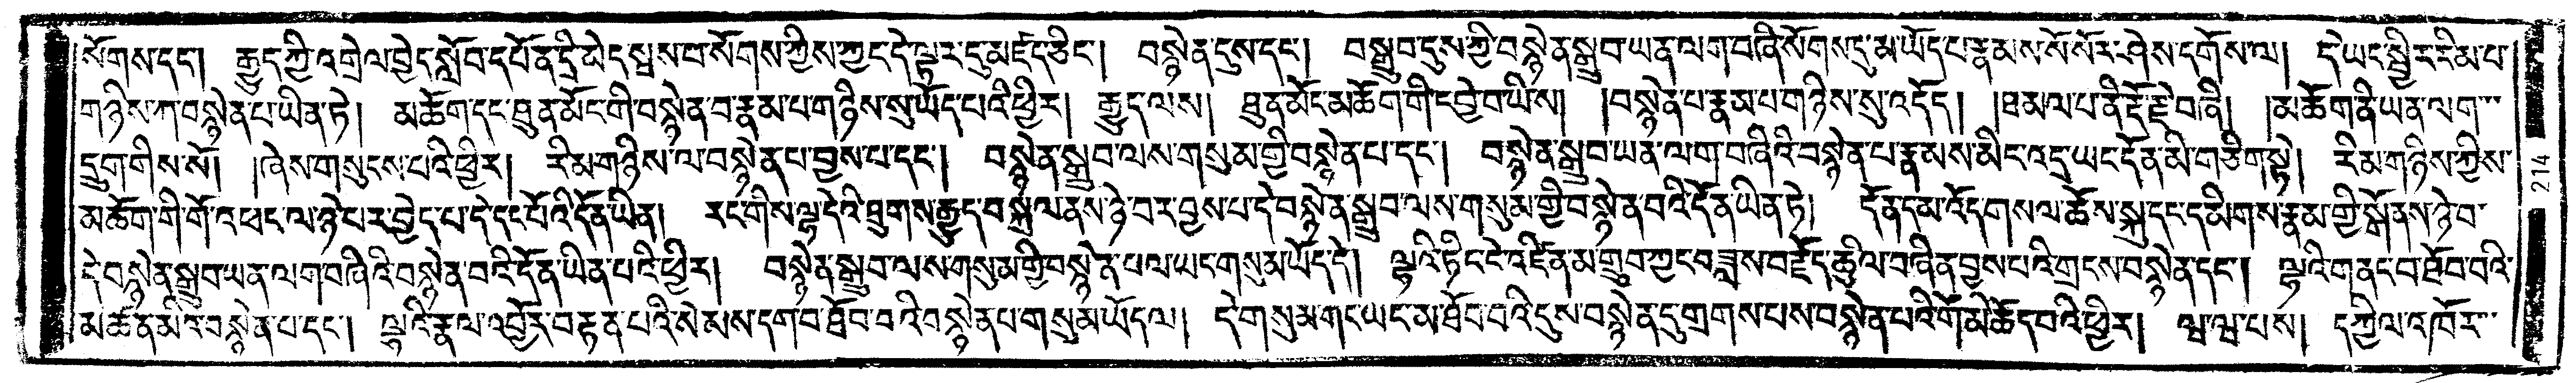སོགས་དང་། རྒྱུད་ཀྱི་འགྲེལ་བྱེད་སློབ་དཔོན་དྲི་མེད་སྦས་བ་སོགས་ཀྱིས་ཀྱང་དེ་ལྟར་དུ་མཛད་ཅིང་། བསྙེན་དུས་དང་། བསྒྲུབ་དུས་ཀྱི་བསྙེན་སྒྲུབ་ཡན་ལག་བཞི་སོགས་དུ་མ་ཡོད་པ་རྣམས་སོ་སོར་ཤེས་དགོས་ལ། དེ་ཡང་སྤྱིར་རིམ་པ་
གཉིས་ཀ་བསྙེན་པ་ཡིན་ཏེ། མཆོག་དང་ཐུན་མོང་གི་བསྙེན་བ་རྣམ་པ་གཉིས་སུ་ཡོད་པའི་ཕྱིར། རྒྱུད་ལས། ཐུན་མོང་མཆོག་གི་དབྱེ་བ་ཡིས། །བསྙེན་པ་རྣམ་པ་གཉིས་སུ་འདོད། །ཐ་མལ་པ་ནི་རྡོ་རྗེ་བཞི། །མཆོག་ནི་ཡན་ལག་
དྲུག་གིས་སོ། །ཞེས་གསུངས་པའི་ཕྱིར། རིམ་གཉིས་ལ་བསྙེན་པ་བྱས་པ་དང་། བསྙེན་སྒྲུབ་ལས་གསུམ་གྱི་བསྙེན་པ་དང་། བསྙེན་སྒྲུབ་ཡན་ལག་བཞིའི་བསྙེན་པ་རྣམས་མིང་འདྲ་ཡང་དོན་མི་གཅིག་སྟེ། རིམ་གཉིས་ཀྱིས་
མཆོག་གི་གོ་འཕང་ལ་ཉེ་པར་བྱེད་པ་དེ་དང་པོའི་དོན་ཡིན། རང་གིས་ལྷ་དེའི་ཐུགས་རྒྱུད་བསྐུལ་ནས་ཉེ་བར་བྱས་པ་དེ་བསྙེན་སྒྲུབ་ལས་གསུམ་གྱི་བསྙེན་བའི་དོན་ཡིན་ཏེ། དོན་དམ་འོད་གསལ་ཆོས་སྐུ་དང་དམིགས་རྣམ་གྱི་སྒོ་ནས་ཉེ་བ་
དེ་བསྙེན་སྒྲུབ་ཡན་ལག་བཞིའི་བསྙེན་བའི་དོན་ཡིན་པའི་ཕྱིར། བསྙེན་སྒྲུབ་ལས་གསུམ་གྱི་བསྙེན་པ་ལ་ཡང་གསུམ་ཡོད་དེ། ལྷའི་ཏིང་ངེ་འཛིན་མ་གྲུབ་ཀྱང་བཟླས་བརྗོད་ཚུལ་བཞིན་བྱས་པའི་གྲངས་བསྙེན་དང་། ལྷའི་གནང་བ་ཐོབ་བའི་
མཚན་མའི་བསྙེན་པ་དང་། ལྷའི་རྣལ་འབྱོར་བརྟན་པའི་སེམས་དག་བ་ཐོབ་བའི་བསྙེན་པ་གསུམ་ཡོད་ལ། དེ་གསུམ་གང་ཡང་མ་ཐོབ་བའི་དུས་བསྙེན་དུ་གྲགས་པས་བསྙེན་པའི་གོ་མི་ཆོད་བའི་ཕྱིར། ཝ་ཝ་པས། དཀྱིལ་འཁོར་